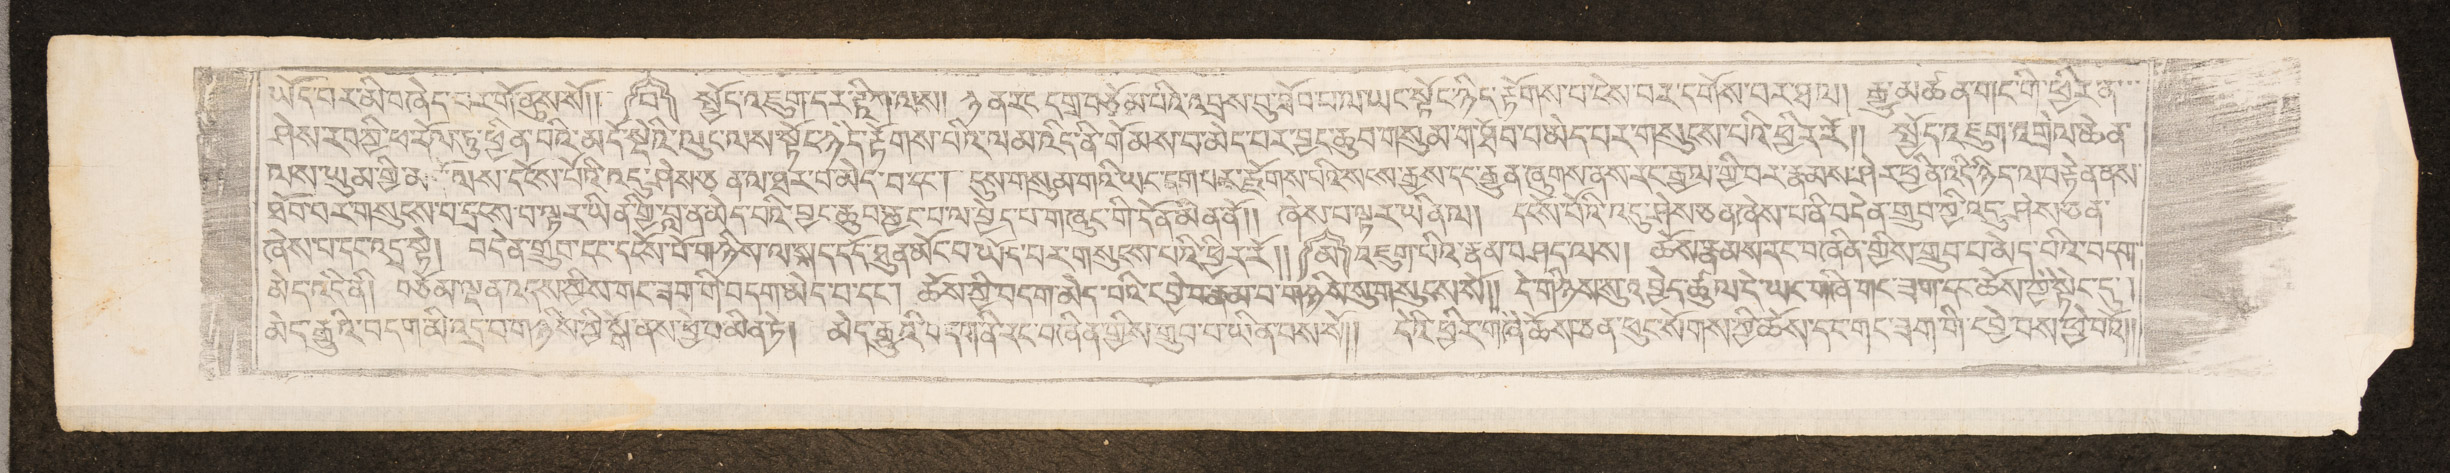ཡོད་པར་མི་བཞེད་པར་གོ་ནུས་སོ།། ༼༽བ༼༽ སྤྱོད་འཇུག་དར་ཊཱིཀ་ལས། ཉན་རང་དགྲ་བཅོམ་པའི་འབྲས་བུ་ཐོབ་པ་ལ་ཡང་སྟོང་ཉིད་རྟོགས་པ་ངེས་བར་དགོས་པར་ཐལ། རྒྱུ་མཚན་གང་གི་ཕྱིར་ན་
ཤེས་རབ་ཀྱི་ཕ་རོལ་ཏུ་ཕྱིན་པའི་མདོ་སྡེའི་ལུང་ལས་སྟོང་ཉིད་རྟོགས་པའི་ལམ་འདི་ནི་གོམས་པ་མེད་པར་བྱང་ཆུབ་གསུམ་ག་ཐོབ་པ་མེད་པར་གསུངས་པ་ཕྱིར་རོ། །སྤྱོད་འཇུག་འགྲེལ་ཆེན་
ལས་ཡུམ་གྱི་མགོ་ལས་དངོས་པོའི་འདུ་ཤེས་ཅན་ལ་ཐར་བ་མེད་པ་དང་། དུས་གསུམ་གའི་ཡང་དག་པར་རྫོགས་པའི་སངས་རྒྱས་དང་རྒྱུན་ཞུགས་ནས་རང་རྒྱལ་གྱི་བར་རྣམས་ཤེར་ཕྱིན་འདི་ཉིད་ལ་བརྟེན་ནས་
ཐོབ་པར་གསུངས་པ་དྲངས་པ་ལྟར་ཡིན་གྱི་བླ་ན་མེད་པའི་བྱང་ཆུབ་རྐྱང་པ་ལ་བྱེད་པ་གཟུང་གི་དོན་མིན་ནོ། །ཞེས་པ་ལྟར་ཡིན་ལ། དངོས་པོའི་འདུ་ཤེས་ཅན་ཞེས་པ་ནི་བདེན་གྲུབ་ཀྱི་འདུ་ཤེས་ཅན་
ཞེས་པ་དང་འདྲ་སྟེ། བདེན་གྲུབ་དང་དངོས་པོ་གཉིས་ལ་སྐད་དོད་ཐུན་མོང་ལ་ཡོད་པར་གསུངས་པའི་ཕྱིར་རོ།། ༼༽མ༼༽ འཇུག་པའི་རྣམ་བཤད་ལས། ཆོས་རྣམས་རང་བཞིན་གྱིས་གྲུབ་པ་མེད་པའི་བདག་
མེད་འདི་ནི། བཅོམ་ལྡན་འདས་ཀྱིས་གང་ཟག་གི་བདག་མེད་པ་དང་། ཆོས་ཡི་བདག་མེད་པའི་དབྱེ་བ་རྣམ་པ་གཉིས་སུ་གསུངས་སོ། །དེ་གཉིས་སུ་འབྱེད་ཚུལ་དེ་ཡང་གཞི་གང་ཟག་དང་ཆོས་ཀྱི་སྟེང་དུ།
མེད་རྒྱུའི་བདག་མི་འདྲ་བ་གཉིས་ཀྱི་སྒོ་ནས་ཕྱེ་བ་མིན་ཏེ། མེད་རྒྱུའི་བདག་ནི་རང་བཞིན་གྱིས་གྲུབ་པ་ཡིན་པས་སོ། །དེའི་ཕྱིར་གཞི་ཆོས་ཅན་ཕུང་སོགས་ཀྱི་ཆོས་དང་གང་ཟག་གི་དབྱེ་བས་ཕྱེ་བའོ།།